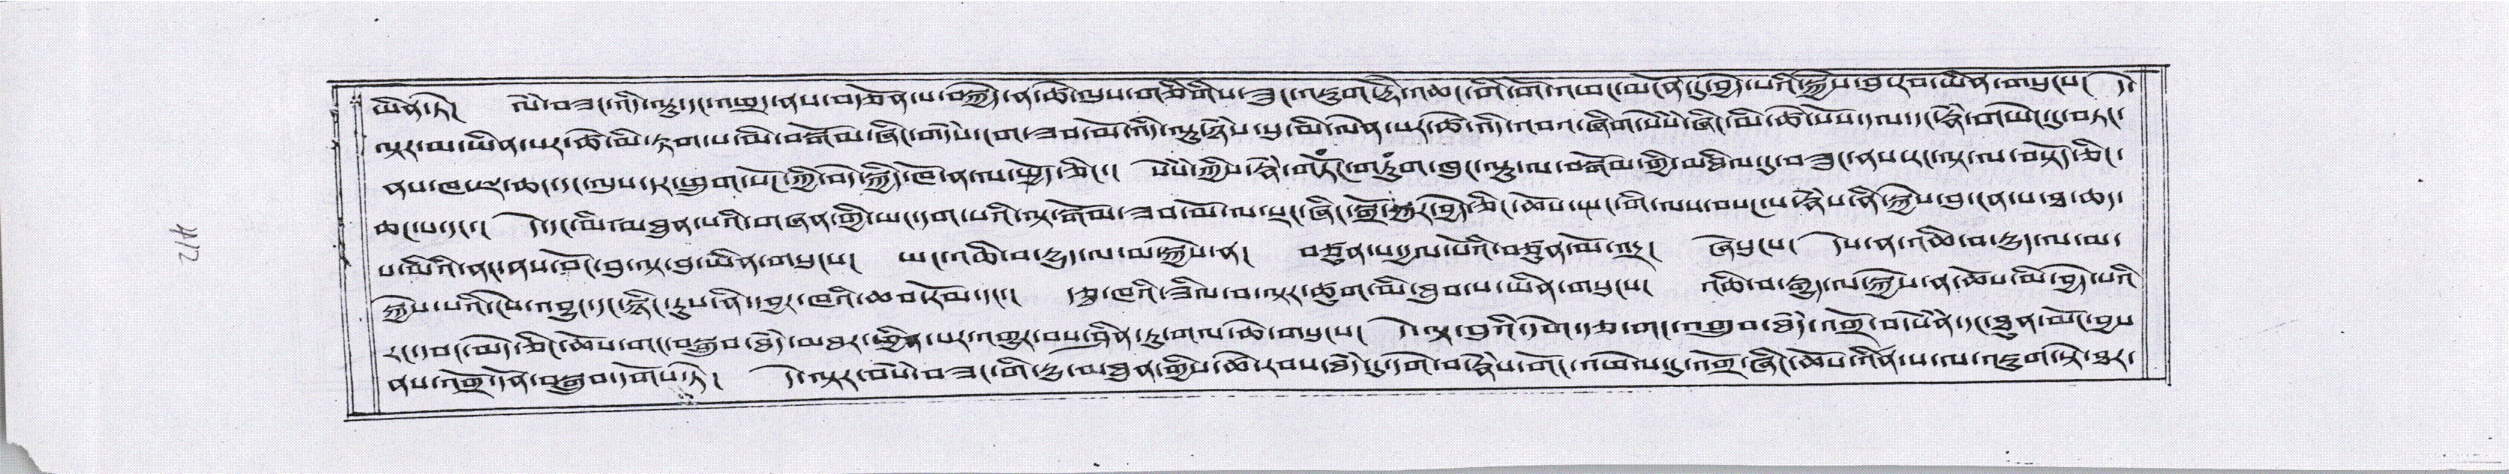ཡིན་ཏེ། ལམ་བཟང་འདི་ལྟ་བུ་དང་འཕྲད་ནས་བརྩོན་པ་བསྐྱེད་ན་ཚེ་ལུས་གཅིག་གིས་ཟུང་འཇུག་རྡོ་རྗེ་འཆང་གི་གོ་འཕང་མངོན་དུ་བྱེད་པའི་སྐྱེས་བུ་རབ་ཡིན་གསུངས། དེ་
ལྟར་མ་ཡིན་པར་ཚེ་མི་རྟག་པ་མི་བསྒོམ་ཞིང་གདམས་ངག་ཟབ་མོ་འདི་ལྟ་བུ་ཉམས་སུ་མི་ལེན་པར་ཚེ་འདི་འབའ་ཞིག་སེམས་ཤིང་མི་ཚེ་སོས་དལ་དང་རྣམ་གཡེང་དུ་བཏང་
ནས་ཁ་ཇ་ཆང་དང་ལུས་དར་ཕྲུག་སོགས་ཀྱི་བདེ་སྐྱིད་ཁོ་ན་ལ་སྤྱོད་ཅིང་སེམས་ཀྱི་རྣམ་རྟོག་གཏུག་ཁུང་ལྟ་བུ་ལ་བསྒོམ་གྱི་མཐིལ་དུ་བཟུང་ནས་རང་ལྟ་བསྟོད་ཅིང་
ཆགས་པ་དང་། དེ་དང་མི་མཐུན་པའི་གཞན་གྱི་ཡང་དག་པའི་ལྟ་སྒོམ་ཟབ་མོ་ལ་སྡང་ཞིང་སྒྲོ་སྐུར་བྱེད་ཅིང་ཆོས་སྤོང་གི་ལས་བསགས་པ་རྣམས་ནི་སྐྱེས་བུ་ངན་པ་ཐ་ཆད་
པ་མིའི་ནང་ན་བོང་བུ་ལྟ་བུ་ཡིན་གསུངས། ཡང་འཆི་བ་རྒྱུད་ལ་མ་སྐྱེས་ན། བཙུན་པ་རྒྱལ་པོའི་བཙུན་མོ་འདྲ། ཞེས་གསུངས། དེས་ན་འཆི་བ་རྒྱུད་ལ་མ་
སྐྱེས་པའི་ངེས་འབྱུང་དང་སྙིང་རུས་ནི་དབྱར་ཁའི་ཆབ་རོམ་དང་། རྩྭ་ཁའི་ཟིལ་པ་ལྟར་ཚུགས་མི་ཐུབ་པ་ཡིན་གསུངས། འཆི་བ་རྒྱུད་ལ་སྐྱེས་ན་ཆོས་མི་བྱེད་པའི་
རང་དབང་མེད་ཅིང་ཆོས་གང་བསྒྲུབ་ཐམས་ཅད་མཐར་ཕྱིན་པར་འགྱུར་བས་ཤིན་ཏུ་གལ་ཆེ་གསུངས། དེ་ལྟ་བུའི་དགེ་རྩ་གང་འགྲུབ་ཐམས་ཅད་འགྲོ་བ་སེམས་དང་ཐུན་མོང་བྱས་
ནས་འགྲོ་དོན་བསྒྲུབ་དགོས་ཏེ། དེ་ལྟར་བསམ་བཟང་གི་རྒྱུ་མཐུན་གྱིས་ཚེ་རབས་ཐམས་ཅད་དུ་དགེ་བ་རྣམས་གོང་འཕེལ་དུ་འགྲོ་ཞིང་ཆོས་འཛིན་པ་ལ་འཇུག་སྟེ་ཐར་